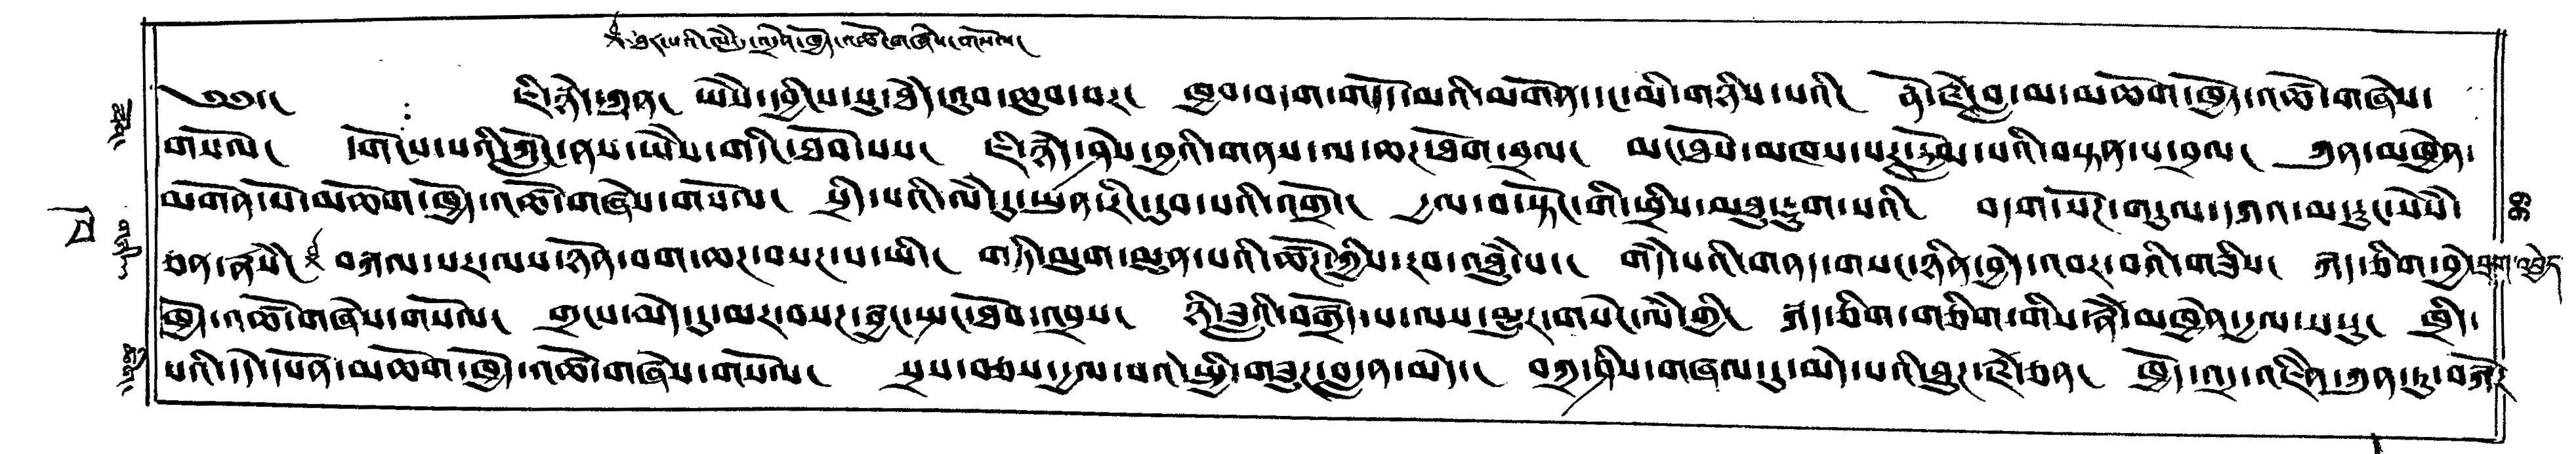ཇི་སྙེད་ཀུན། །ཡེ་ཤེས་དབྱིངས་སུ་ཐམས་ཅད་འུབ་ཆུབ་པར། །ཁྱབ་བདག་གདོད་མའི་མགོན་དང་མི་གཉིས་པའི། །རྡོ་རྗེ་བླ་མ་མཆོག་ཁྱོད་འཚོ་གཞེས་
གསོལ། །དགོངས་པའི་ཀློང་ནས་ཡེ་ཤེས་གདིང་ཐོབ་པས། །ཇི་སྙེད་ཤེས་བྱའི་གནས་ལ་ཆགས་ཐོགས་བྲལ། །མང་ཐོས་མཁས་པར་རློམ་པའི་བསྟན་པ་བྲལ། །ཀུན་མཁྱེན་
མགོན་པོ་མཆོག་ཁྱོད་འཚོ་གཞེས་གསོལ།སྲིད་པའི་ལམ་དུ་ཡུན་རིང་དུབ་པའི་འགྲོ། རྒྱལ་བ་སྟོང་གི་ཕྲིན་ལས་མཐུ་རྡུགས་པའི། །བདག་སོགས་གདུལ་དཀའ་མ་རུང་སེམས་
ཅན་རྣམས། །ཐར་པའི་ལམ་དུ་འདྲེན་ཁྱོད་འཚོ་གཞེས་གསོལ། །བསྐལ་པར་ལས་ཉོན་བག་ཆགས་བསགས་པ་ཡི། །གཏི་མུག་མུན་པའི་ཚོགས་ཀྱིས་རབ་འཐུམ་པ། །གདམ་པའི་གནད་གསང་ཉིན་བྱེད་འབར་བའི་གཟིས། །སྐད་ཅིག་བྱེ་བྲག་འབྱེད་
ཁྱོད་འཚོ་གཞེས་གསོལ། གྲངས་མེད་དུ་མར་བསགས་སྦྱང་སྤང་ཐོབ་འབྲས། །ཉི་ཟླའི་བགྲོད་པ་ལས་མྱུར་གསཻང་ལམ་གྱི། །སྐད་ཅིག་གཅིག་གིས་རྣམ་མཁྱེན་རྒྱལ་ས་རུ། ཁྲིད་
པའི་དེད་དཔོན་མཆོག་ཁྱོད་འཚོ་གཞེས་གསོལ། །སྲས་བཅས་རྒྱལ་བའི་སྤྱི་གཟུགས་བླ་ན་མེད། བཀའ་དྲིན་གཞལ་དུ་མེད་པའི་ཐུགས་རྗེ་ཅན། །ཁྱོད་འདྲ་འཇིག་རྟེན་ཀུན་ཏུ་བསྐོར་